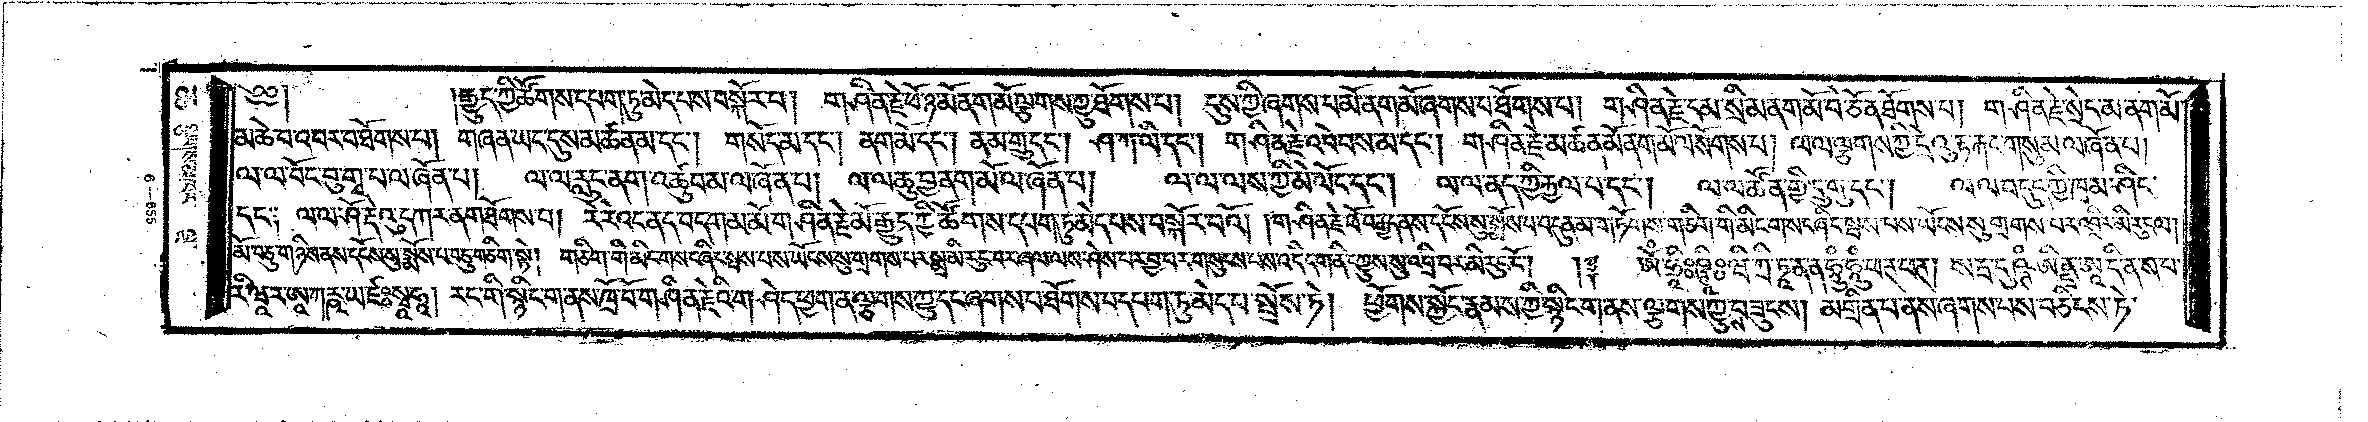༄༅། །རྒྱུད་ཀྱི་ཚོགས་དཔག་ཏུ་མེད་པས་བསྐོར་བ། གཤིན་རྗེ་ཕོ་ཉ་མོ་ནག་མོ་ལྕགས་ཀྱུ་ཐོགས་པ། དུས་ཀྱི་ཞགས་པ་མོ་ནག་པོ་ཞགས་པ་ཐོགས་པ། གཤིན་རྗེ་དམ་སྲི་མ་ནག་མོ་བེ་ཅོན་ཐོགས་པ། གཤིན་རྗེ་སྲིད་མ་ནག་མོ་
མཆེ་བ་འབར་བ་ཐོགས་པ། གཞན་ཡང་དུས་མཚན་མ་དང་། གསོད་མ་དང་། ནག་མོ་དང་། ནམ་གྲུ་དང་། ཤ་ཀ་ལི་དང་། གཤིན་རྗེ་འབེབས་མ་དང་། གཤིན་རྗེ་མཚན་མོ་ནག་མོ་ལ་སོགས་པ། ལ་ལ་ལྕགས་ཀྱི་དྲེའུ་རྟ་རྐང་གསུམ་ལ་ཞོན་པ།
ལ་ལ་བོང་བུ་གྭ་པ་ལ་ཞོན་པ། ལ་ལ་རླུང་ནག་འཚུབ་མ་ལ་ཞོན་པ། ལ་ལ་ཆུ་བྱན་ནག་མོ་ལ་ཞོན་པ། ལ་ལ་ལས་ཀྱི་མེ་ལོང་དང་། ལ་ལ་ནད་ཀྱི་རྒྱལ་པ་དང་། ལ་ལ་ཚོན་གྱི་དྲུ་གུ་དང་། ལ་ལ་བདུད་ཀྱི་ཁྲམ་ཤིང་
དང༑ ལ་ལ་ཤོ་རྡེའུ་དཀར་ནག་ཐོགས་པ། རེ་རེའང་ནད་བདག་མ་མོ་གཤིན་རྗེ་མོ་རྒྱུད་ཀྱི་ཚོགས་དཔག་ཏུ་མེད་པས་བསྐོར་བའོ། །གཤིན་རྗེ་ཕོ་བརྒྱད་ནས་དངོས་སུ་སྨོས་པ་བདུན་མ་གཏོགས་གཅིག་གི་མིང་གསང་ཞིང་སྦས་པས་ཡོངས་སུ་གྲགས་པར་འདྲིར་མི་རུང་ལ།
མོ་བཅུ་གཉིས་ནས་དངོས་སུ་སྨོས་པ་བཅུ་གཅིག་སྟེ། གཅིག་གི་མིང་གསང་ཞིང་སྲས་པས་ཡོངས་སུ་གྲགས་པར་སྨྲ་མི་རུང་བར་ཞལ་ལས་ཤེས་པར་བྱ་བར་གསུངས་པས་འདི་དག་ནི་དཀྱུས་སུ་འབྲི་བར་མི་རུང་ངོ། ། ༈ ཨོཾ་ཧྲཱིཿཥྚཱིཿཝི་ཀྲི་ཏཱ་ན་ན་ཧཱུཾ་ཕཌ་ཕཌ། སརྦ་དུལྚཾ་ཨིནྡྲ་ཨཱ་དི་ན་ས་པ་
རི་ཝཱ་ར་ཨཱ་ཀརྵ་ཡ་ཛཿསྭཱཧཱ། རང་གི་སྙིང་གནས་ཁྲོ་བོ་གཤིན་རྗེའི་གཤེད་ཕྱག་ན་ལྕགས་ཀྱུ་དང་ཞགས་པ་ཐོགས་པ་དཔག་ཏུ་མེད་པ་སྤྲོས་ཏེ། ཕྱོགས་སྐྱོང་རྣམས་ཀྱི་སྙིང་གནས་ལྕགས་ཀྱུ་བས་ཟུངས། མགྲིན་པ་ནས་ཞགས་པས་བཅིངས་ཏེ་